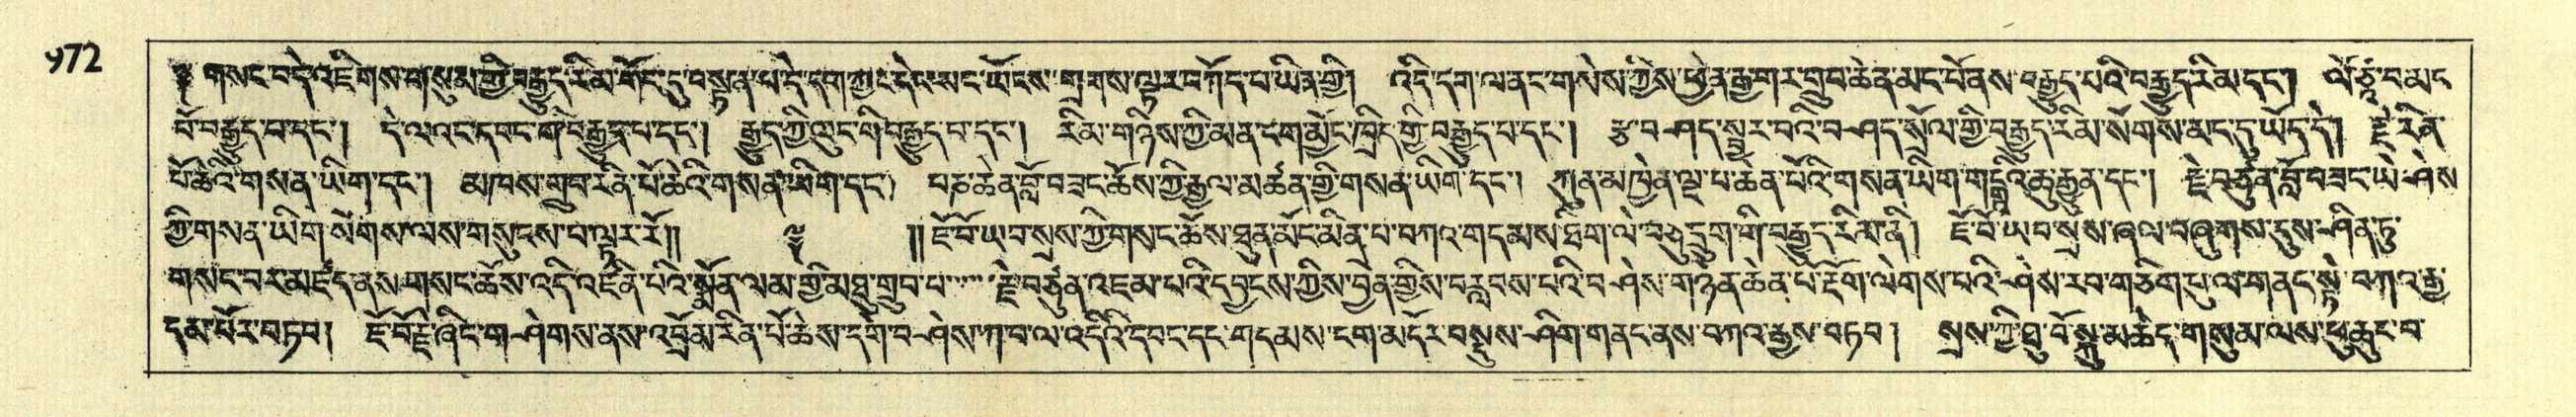༈ གསང་བདེ་འཇིགས་གསུམ་གྱི་བརྒྱུད་རིམ་གོང་དུ་བསྟན་པ་དེ་དག་ཀྱང་དེང་སང་ཡོངས་གྲགས་ལྟར་བཀོད་པ་ཡིན་གྱི། འདི་དག་ལ་ནང་གསེས་ཀྱིས་ཕྱེན་རྒྱ་གར་གྲུབ་ཆེན་མང་པོ་ནས་བརྒྱུད་པའི་བརྒྱུད་རིམ་དང་། ལོ་ཙཱ་བ་མང་
པོ་བརྒྱུད་པ་དང་། དེ་ལའང་དབང་གི་བརྒྱུད་པ་དང་། རྒྱུད་ཀྱི་ལུང་གི་བརྒྱུད་པ་དང་། རིམ་གཉིས་ཀྱི་མན་ངག་མྱོང་ཁྲིད་གྱི་བརྒྱུད་པ་དང་། རྩ་བཤད་སྦྱར་བའི་བཤད་སྲོལ་གྱི་བརྒྱུད་རིམ་སོགས་མང་དུ་ཡོད་དེ། རྗེ་རིན་
པོ་ཆེའི་གསན་ཡིག་དང་། མཁས་གྲུབ་རིན་པོ་ཆེའི་གསན་ཡིག་དང་། པཎ་ཆེན་བློ་བཟང་ཆོས་ཀྱི་རྒྱལ་མཚན་གྱི་གསན་ཡིག་དང་། ཀུན་མཁྱེན་ལྔ་པ་ཆེན་པོའི་གསན་ཡིག་གངྒཱའི་ཆུ་རྒྱུན་དང་། རྗེ་བཙུན་བློ་བཟང་ཡེ་ཤེས་
ཀྱི་གསན་ཡིག་སོགས་ལས་གསུངས་པ་ལྟར་རོ།། ༈ །།ཇོ་བོ་ཡབ་སྲས་ཀྱི་གསང་ཆོས་ཐུན་མོང་མིན་པ་བཀའ་གདམས་ཐིག་ལེ་བཅུ་དྲུག་གི་བརྒྱུད་རིམ་ནི། ཇོ་བོ་ཡབ་སྲས་ཞལ་བཞུགས་དུས་ཤིན་ཏུ་
གསང་བར་མཛད་ནས་གསང་ཆོས་འདི་འཛིན་པའི་སྨོན་ལམ་གྱི་མཐུ་གྲུབ་པ་རྗེ་བཙུན་འཇམ་པའི་དབྱངས་ཀྱིས་བྱེན་གྱིས་བརླབས་པའི་བཤེས་གཉེན་ཆེན་པོ་རྡོག་ལེགས་པའི་ཤེས་རབ་གཅིག་པུ་ལ་གནང་སྟེ་བཀའ་རྒྱ་
དམ་པོར་བཏབ། ཇོ་བོ་རྗེ་ཞིང་གཤེགས་ནས་འབྲོམ་རིན་པོ་ཆེས་དགེ་བཤེས་ཀ་བ་ལ་འདིའི་དབང་དང་གདམས་ངག་མདོར་བསྡུས་ཤིག་གནང་ནས་བཀའ་རྒྱས་བཏབ། སྲས་ཀྱི་ཐུ་བོ་སྐུ་མཆེད་གསུམ་ལས་ཕུ་ཆུང་བ་